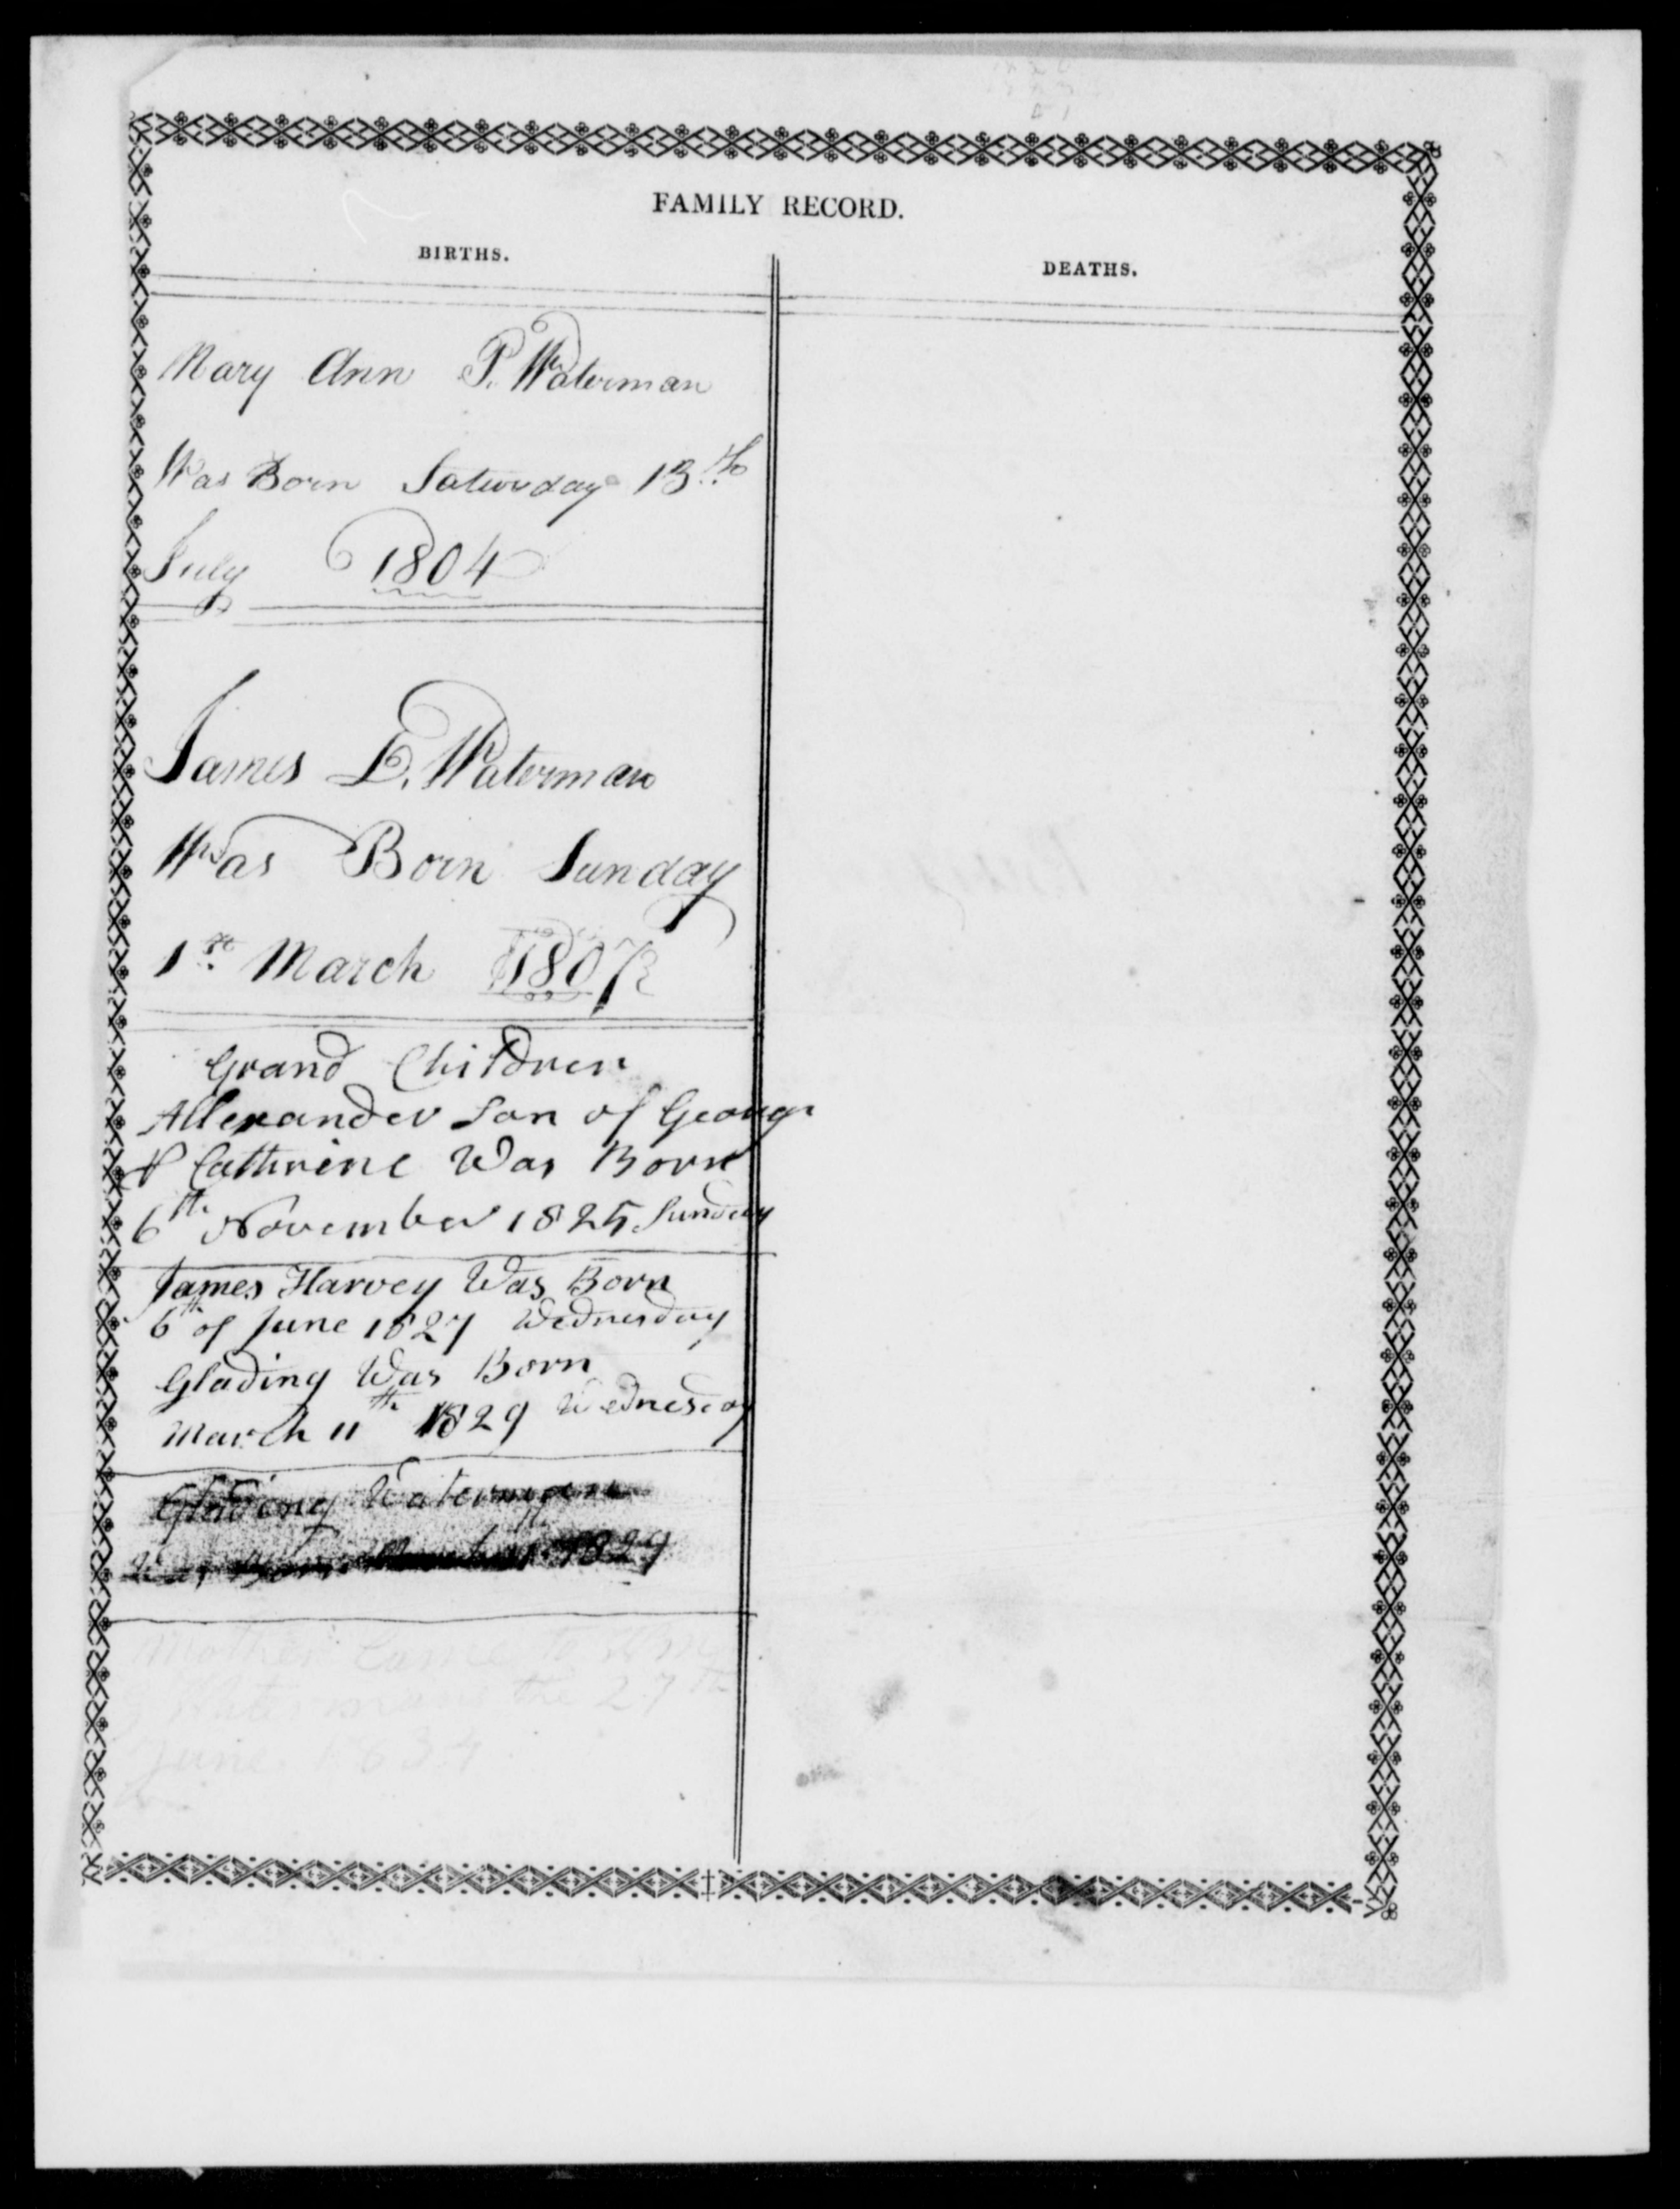FAMILY RECORD.
BIRTHS.
-------------------------------------------------
Mary Ann P. Waterman Was born Saturday 13th July 1804
---------------------------------------------------
James L Waterman Was Born Sunday 1st March 1807
----------------------------------------------------
Grand Children
Alexander Son of George & Catherine Was Born
6th November 1825 Sunday
----------------------------------------------------
James Harvey Was Born 6th of June 1827 Wednesday
Glading Was Born March 11th 1829 Wednesday
-----------------------------------------------------
[This section rubbed out]
Glading Waterman was [illegible]
----------------------------------------------------
[Very faint to read]
Mother came to Wm G Waterman's the 27th June 1834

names: George, James D Waterman, Cathrine, Glading, James Harvey, Allexander, Mary Ann P Waterman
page: 18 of 50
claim: widow's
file: W. 15814, Glading Waterman, Conn. Conn. Sea Service Continental